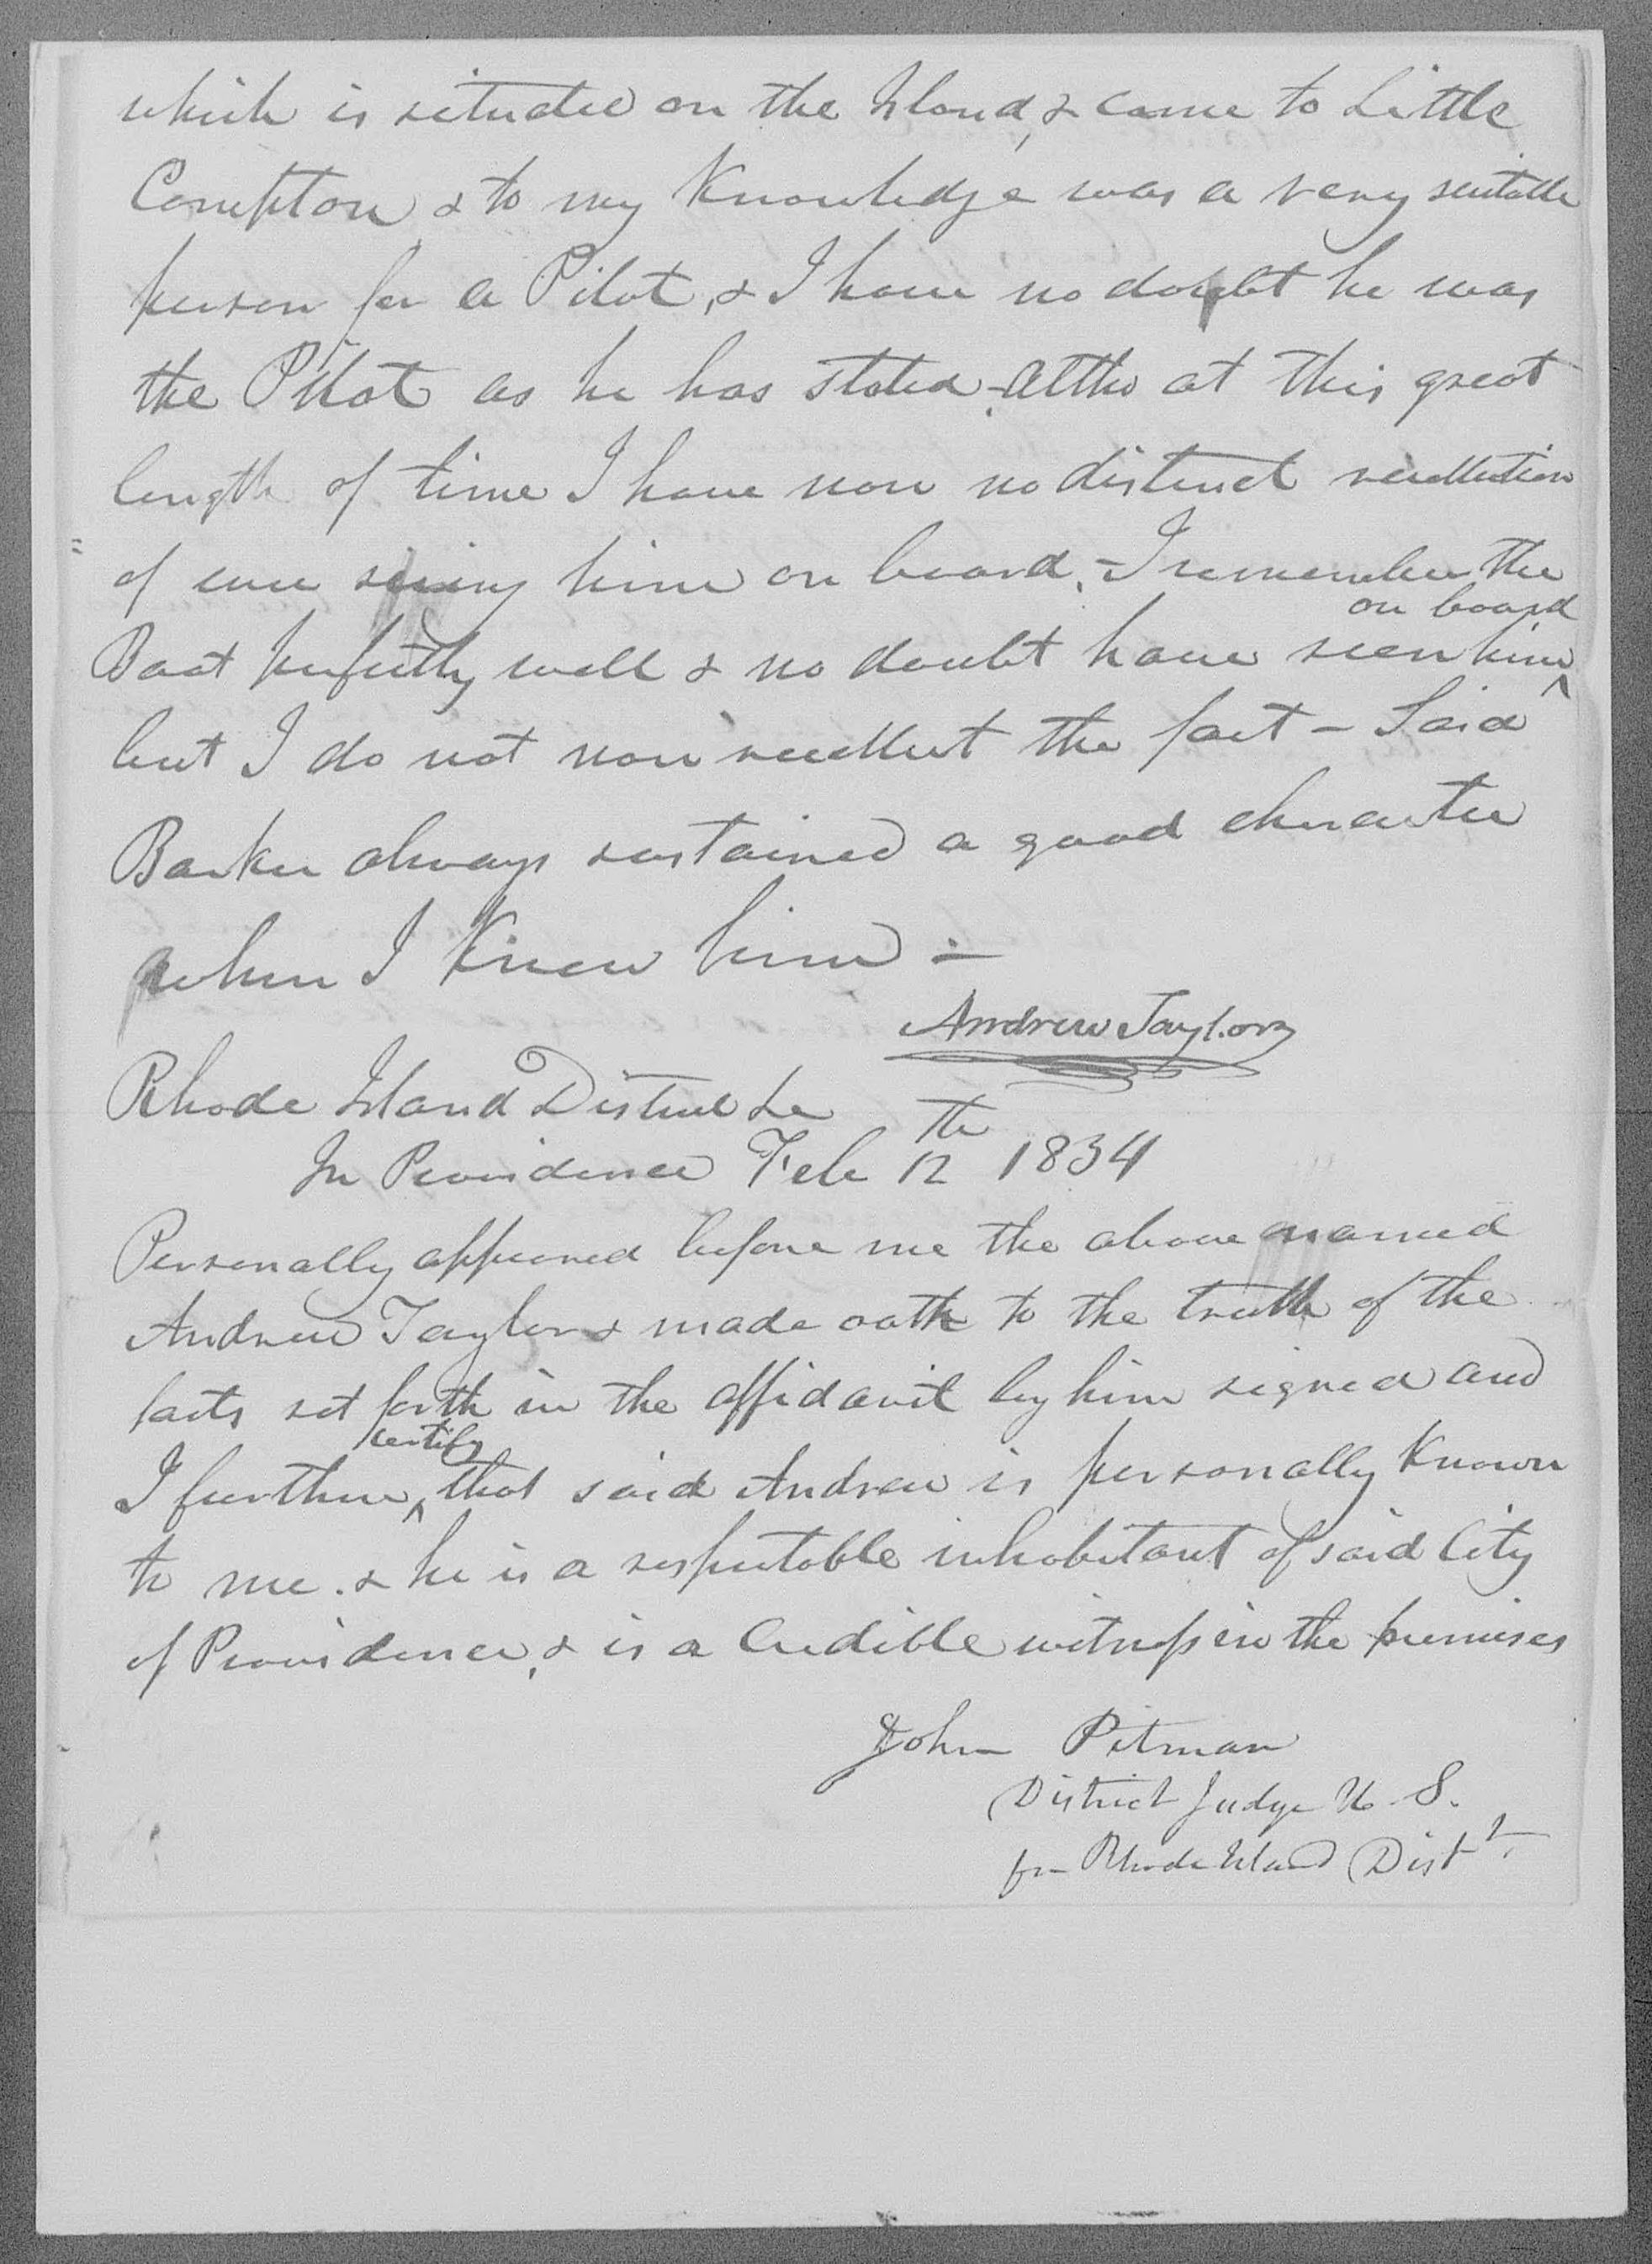which is situated on the Island & came to Little
Compton & to my knowledge was a very suitable
person for a Pilot, & I have no doubt he was
the Pilot as he has stated. Altho [although] at this great
length of time I have now no distinct recollection
of ever seeing him on board.  I remember the
past perfectly well & no doubt have seen him
but I do not now recollect that fact.  Said
Barker always sustained a good character
when I knew him.
Andrew Taylor

Rhode Island District
In Providence Feb 12 1834
Personally appeared before me the above named
Andrew Taylor & made oath to the truth of the
facts set forth in the affidavit by him signed and
I further testify that said Andrew is personally known
to me & he is a respectable inhabitant of said city
of Providence & is a credible witness in the previious [?]
John Pitman
District Judge U. S.
for Rhode Island Dist 2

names: Andrew Taylor, John Pitman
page: 40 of 52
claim: widow's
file: W. 18,565, Hezekiah Barker, Continental R.I.